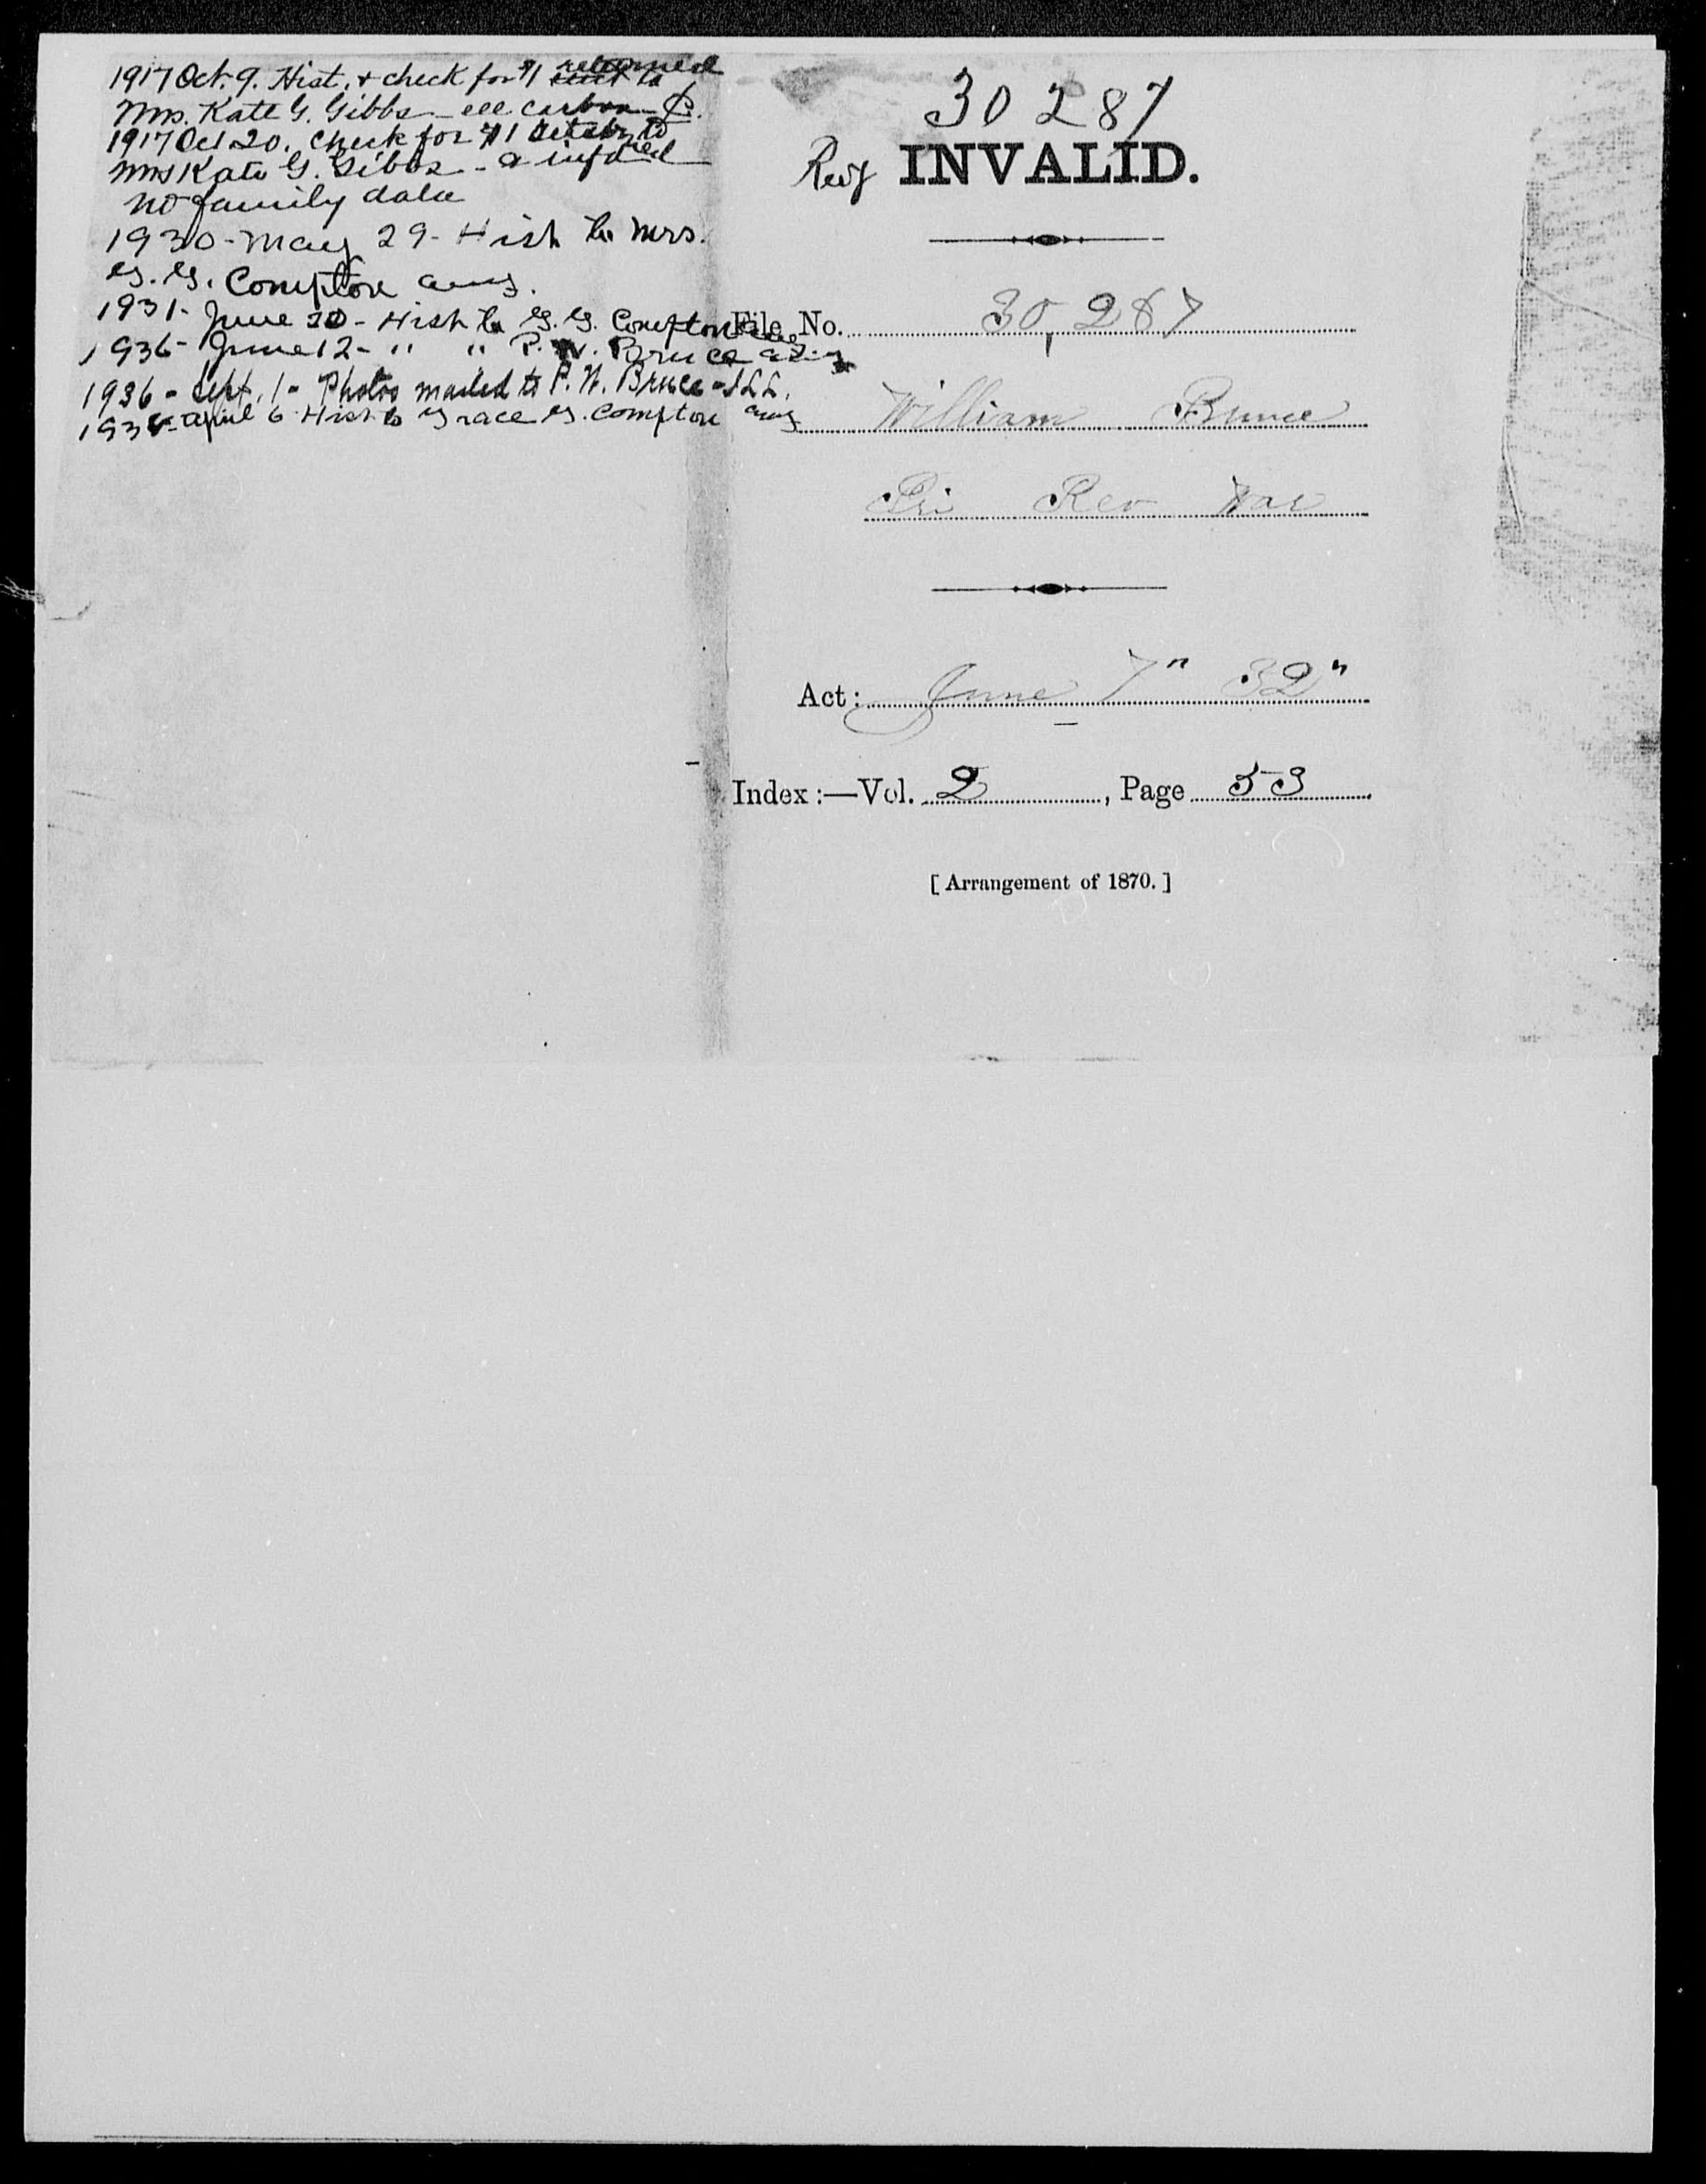[typed form, with handwritten responses]

[left side of page] 1917 Oct. 9 Hist. & check for $1 returned to Mrs. Kate G. Gibbs ell carbon ¢
1917 Oct. 20 Check for $1 returned to Mrs. Kate G. Gibbs & infd [informed] no family data
1930 – May 29 – Hist. to Mrs. G G Compton Ewy
1931 – June 20 – Hist. to G G Compton Ewy
1936 – June 12 – “ “ [Hist. to] P. W. Bruce Ewy
1936 – Sept. 1 – Photos mailed to P. W. Bruce – ILL
1936 – April 6 – Hist. to Grace G. Compton AWY

[right side of page] 30287
Revy INVALID

File No. 30,287
William Bruce
Pri Rev. War

Act: June 7th, 1832
Index: - Vol. 2, Page 53

[Arrangement of 1870.]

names: G G Compton, Kate G Gibbs, P W Bruce, Kate G Gibbs, G G Compton, Grace G Compton, P W Bruce, William Bruce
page: 15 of 54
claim: survivor's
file: S. 30287, William Bruce, N.C.